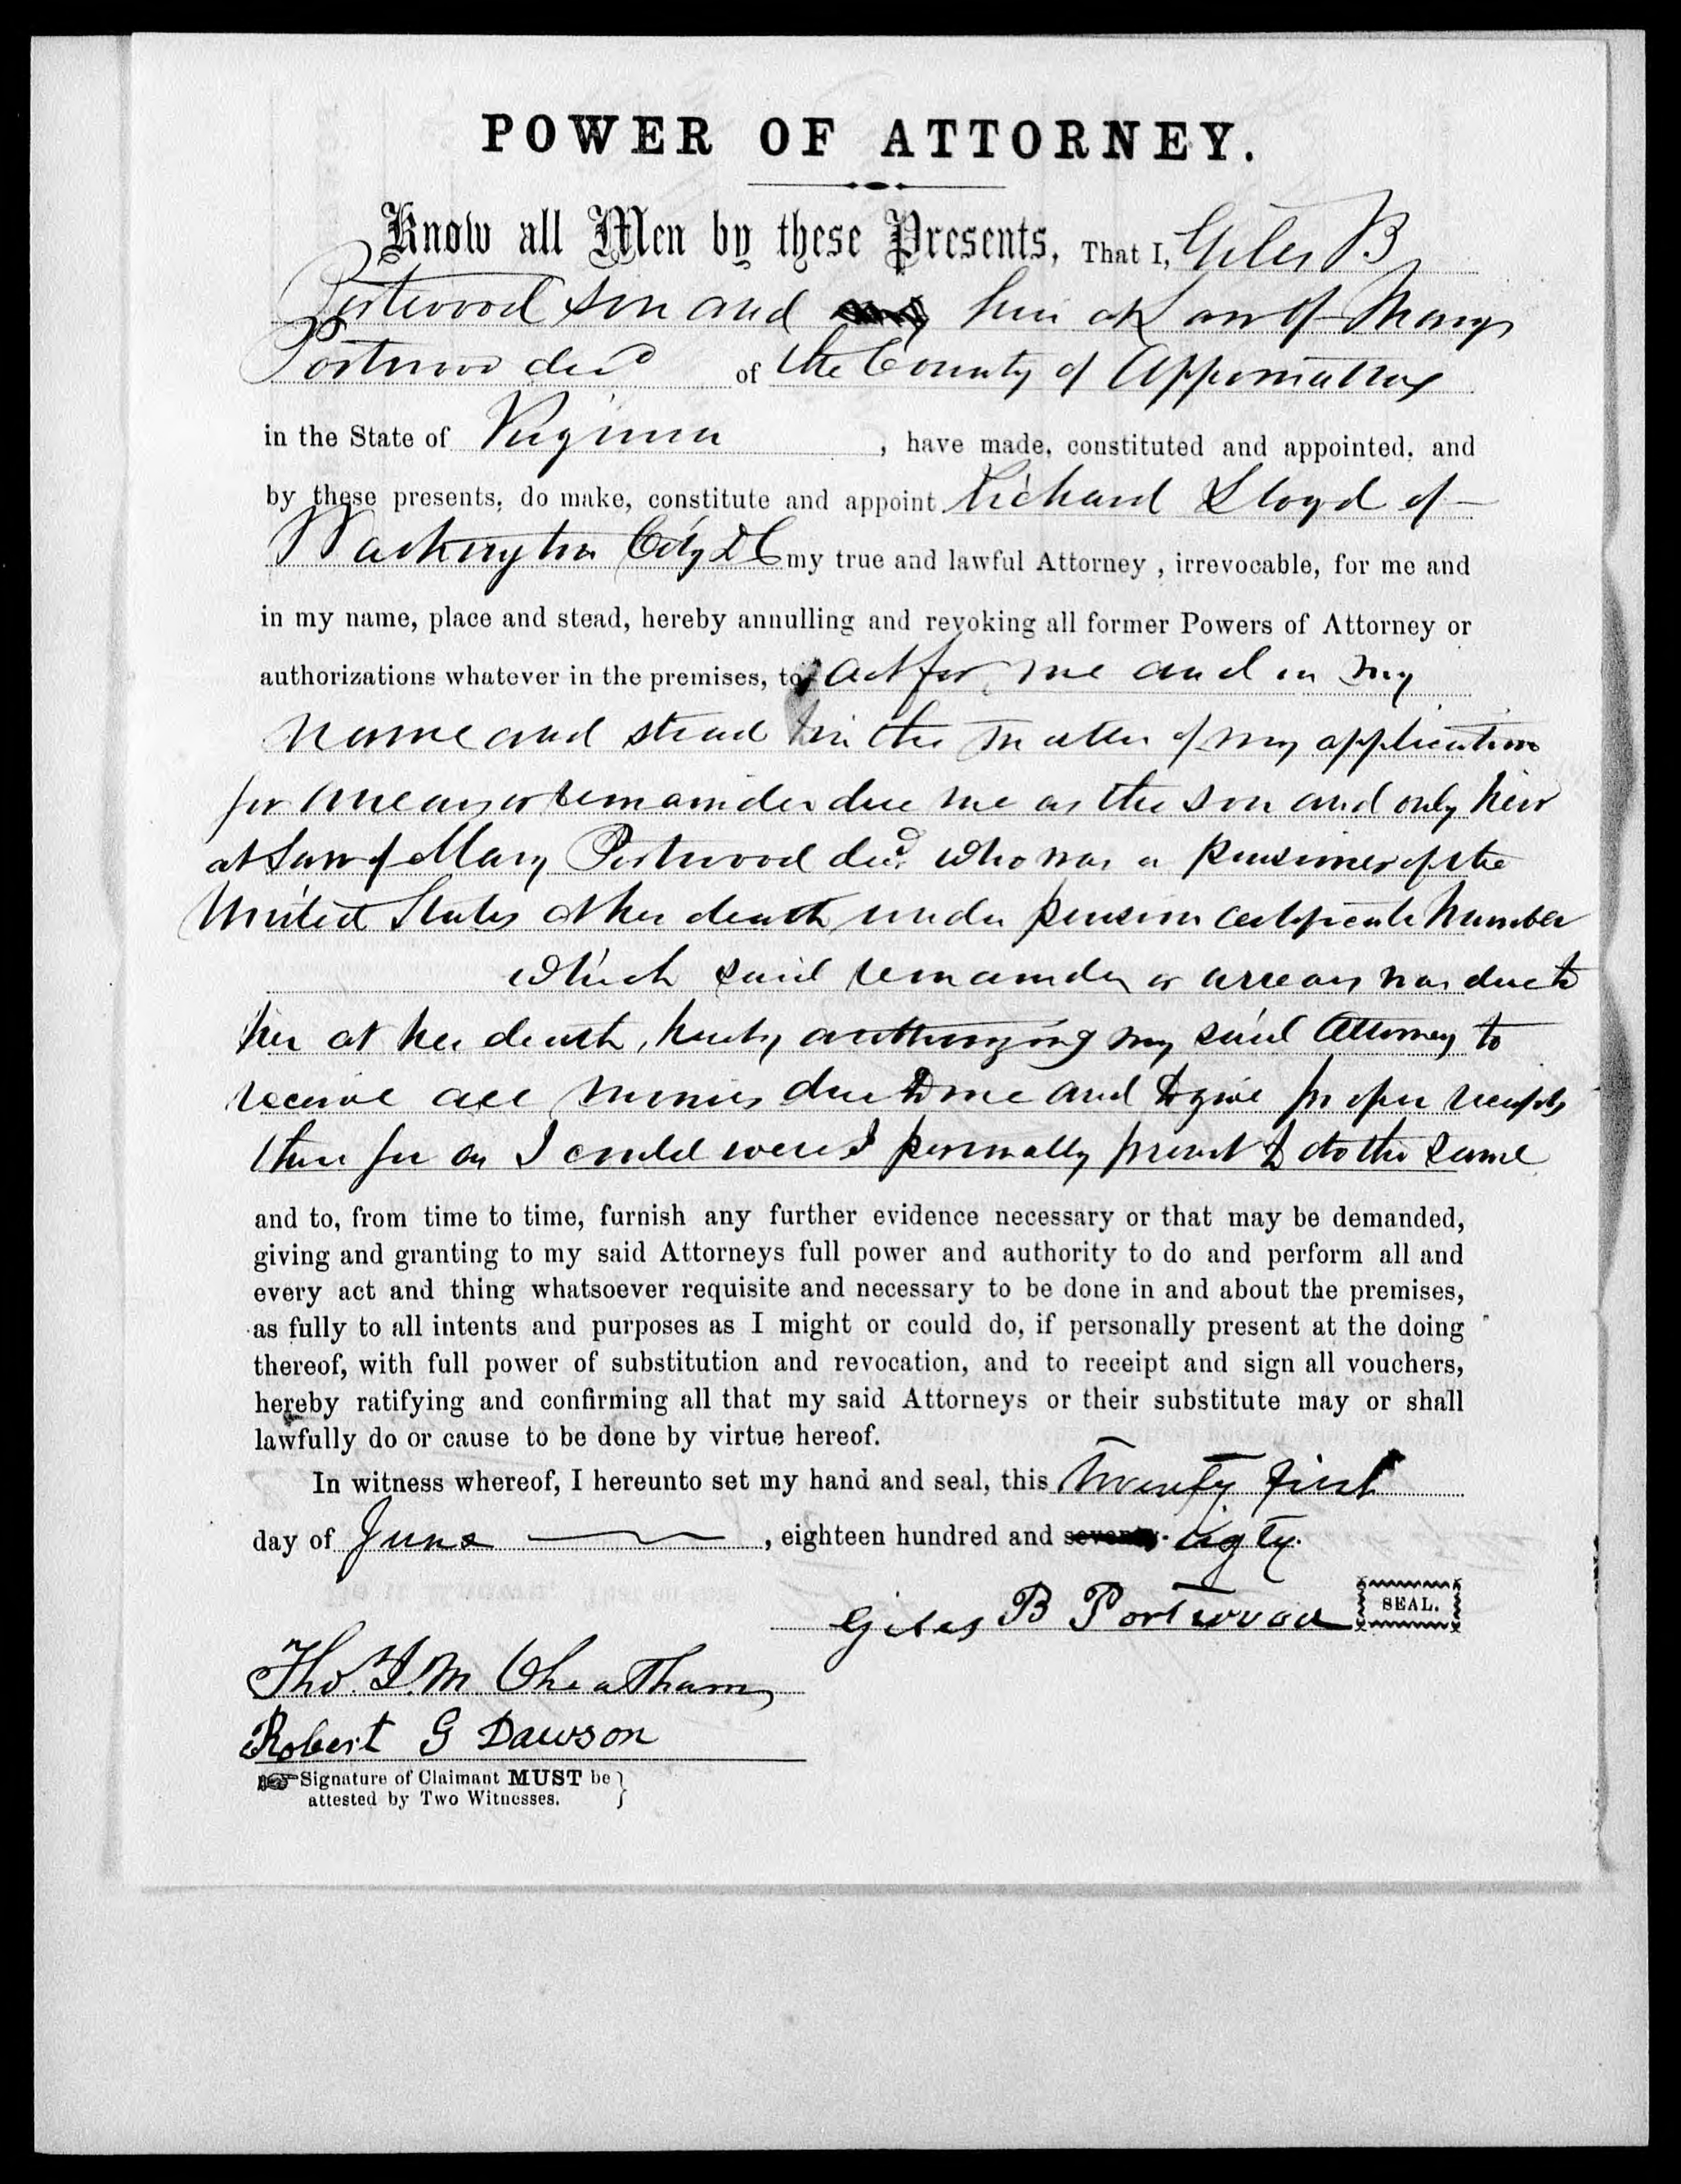POWER OF ATTORNEY.
Know all Men by these Presents, That I, Giles B
Portwood Sen and only [marked out] heir & Son of Mary
Portwood decd of the County of Appomattox
in the State of Virginia, have made, constituted and appointed, and
by these presents, do make, constitute and appoint Richard Lloyd of
Washington City DC my true and lawful Attorney, irrevocable, for me and
in my name, place and stead, hereby annulling and revoking all former Powers of Attorney or
authorizations whatever in the premises, to act for me and in my
name and stead in the matter of my application
for means or remainder due me as the son and only heir
at Law of Mary Portwood decd who was a pensioner of the
United States at her death under pension certificate number
[blank] which said remainder or arrears was due to
her at her death, hereby authorizing my said Attorney to,
receive all monies due to me and to give proper receipt
there for as I could were I personally present & do the same
and to, from time to time, furnish any further evidence necessary or that may be demanded,
giving and granting to my said Attorneys full power and authority to do and perform all and
every act and thing whatsoever requisite and necessary to be done in and about the premises,
as fully to all intents and purposes as I might or could do, if personally present at the doing
thereof, with full power of substitution and revocation, and to receipt and sign all vouchers,
hereby ratifying and confirming all that my said Attorneys or their substitute may or shall
lawfully do or cause to be done by virtue hereof.
In witness whereof, I hereunto set my hand and seal, this twenty first
day of June-, eighteen hundred and seventy [marked out] eight.
| Giles B Portwood SEAL
Thos. J.M Cheatham
Robert G Dawson
Signature of Claimant MUST be
attested by Two Witnesses.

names: Thos J M Cheatham; Richard Lloyd; Mary Portwood; Robert G Dawson; Giles B Portwood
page: 25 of 50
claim: widow's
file: W. 1929, for Lloyd Portwood, Virginia